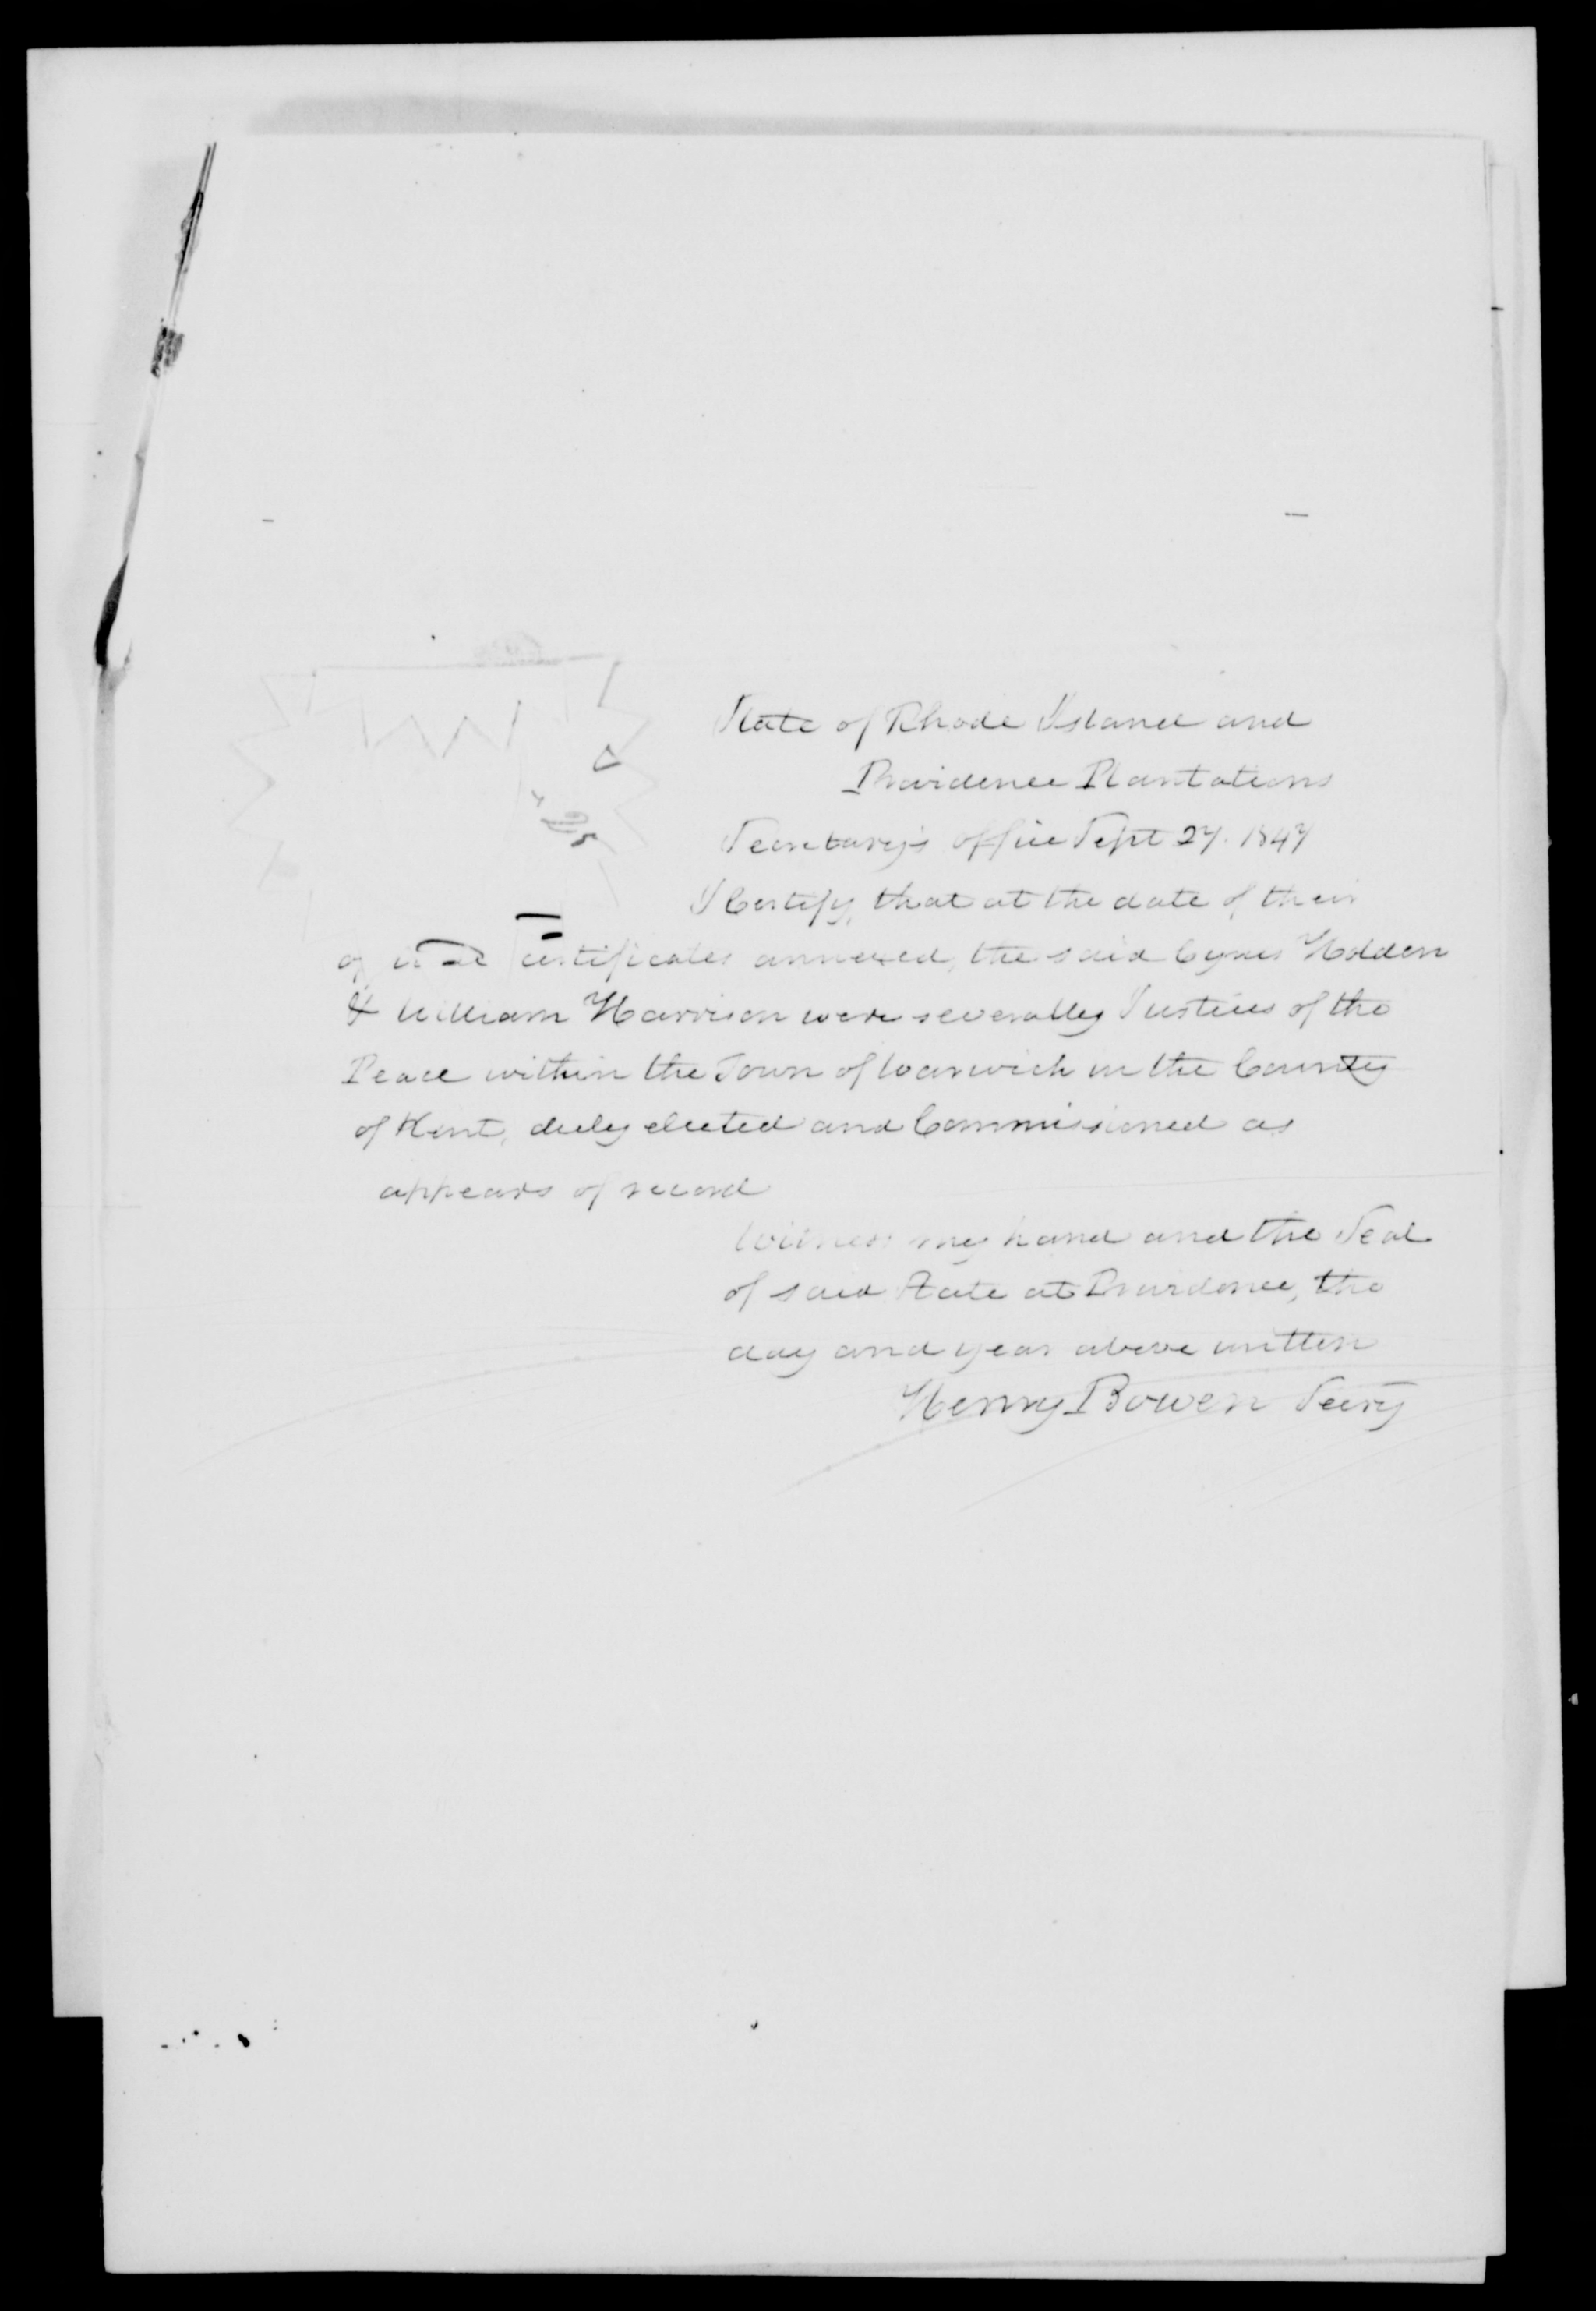State of Rhode Island and Providence Plantations  
Secretary’s Office Sept 27. 1847

I certify that at the date of this ____ certificate annexed the said Cyrus Holden & William Harrison were evenally Justices of the Peace within the town of Warwick in the County of Kent, duly elected and Commissioned as appears of record

Witness my hand and the seal of said State at Providence, the day and year above written

Henry Bowen Secry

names: Cyrus Holden, William Harrison, Henry Bowen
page: 22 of 53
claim: widow's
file: W 17707, Benjamin Weaver, R.I.